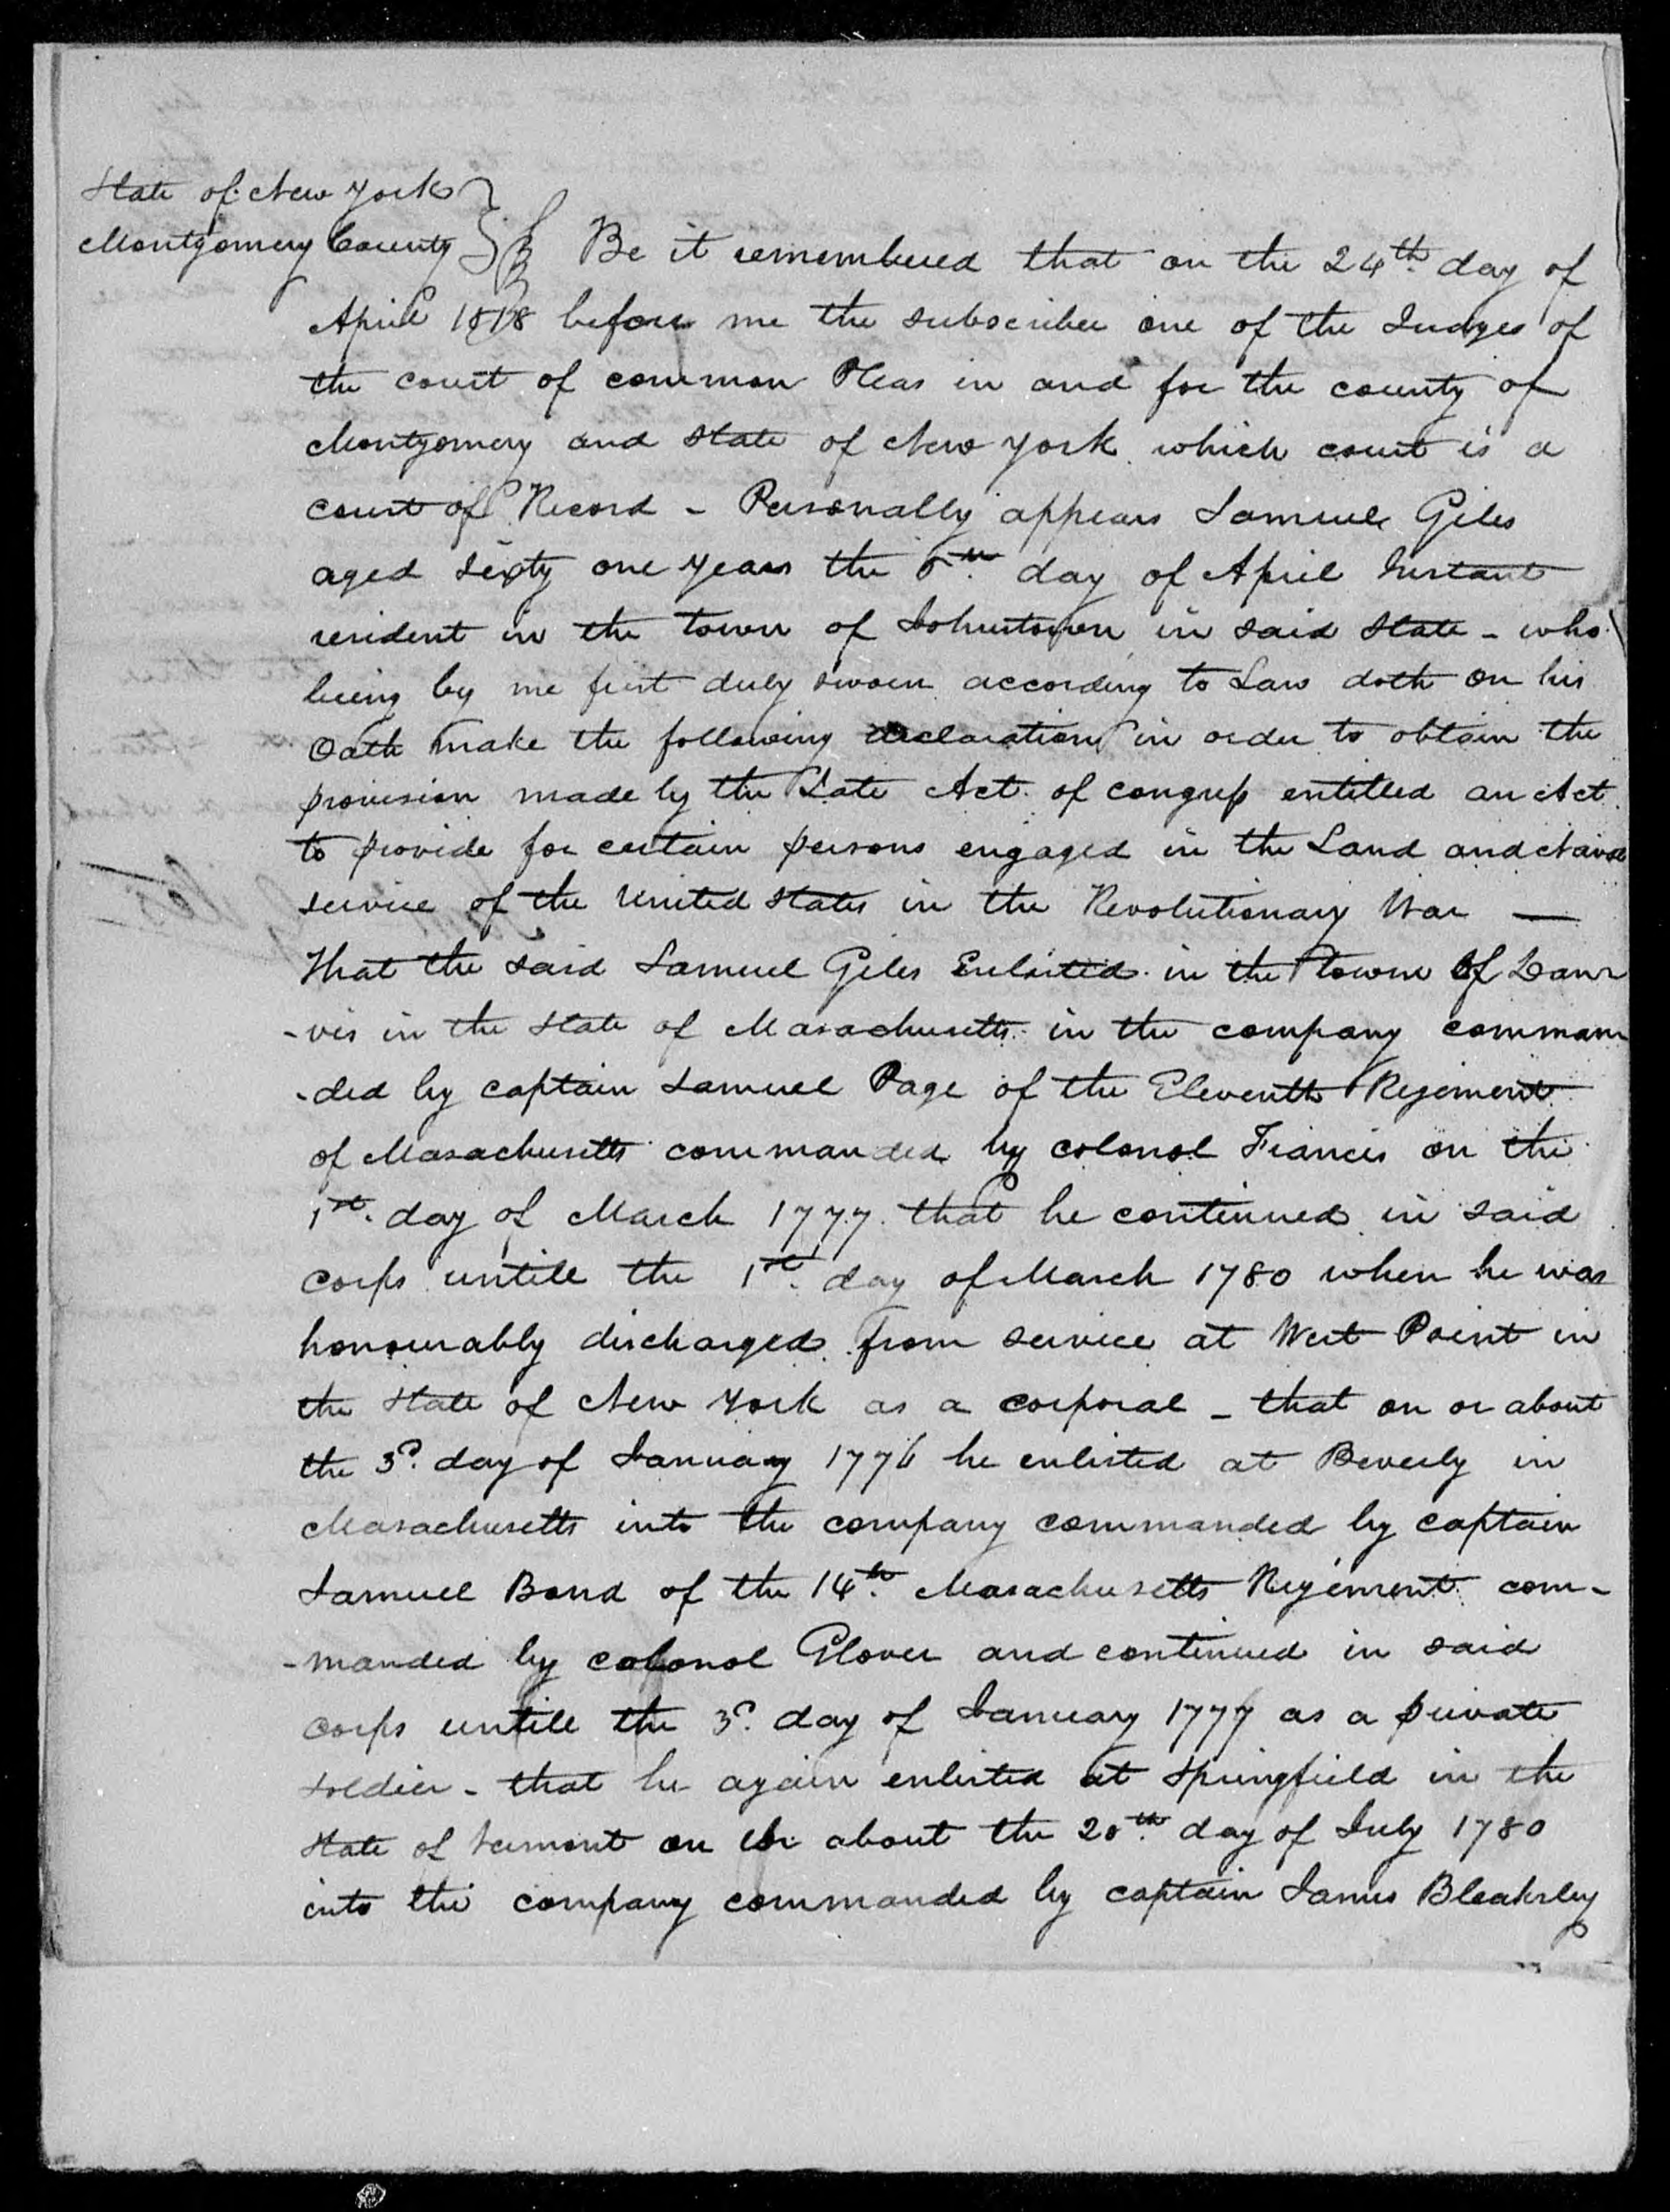State of New York
Montgomery County
Be it remembered that on this 24th day of April 1818 before me the subscriber one of the Judges of the court of common law in and for the county of Montgomery and state of New York which court is a court of Record - Personally appears Samuel Giles aged sixty one years the 6th day of April [illegible] resident in the town of Johnstown in said state- who being by me first duly sworn according to Law doth on his oath make the following declaration in order to obtain the provision made by the Late Act of Congress entitled to provide for certain persons engaged in the Land and Armed service of the United States in the Revolutionary War - that the said Samuel Giles Enlisted in the state of Masachusetts [Massachusetts] in the company commanded by captain Samuel Page of the Eleventh Regiment of Massachusetts commanded by Colonol [colonel] Francis on the 1st day of March 1777 that he continued in said corps until the 1st day of March 1780 when he was honorably discharged from service at West Point in the state of New York as a corporal - that on or about the 3rd day of January 1776 he enlisted at Beverly in Massachusets into the company commanded by captain Samuel Bond of the 14th Massachusets Regiment commanded by Colonel Glover and continued in said corps untill [until] the 3rd day of January 1777 as a private soldier - that he again enlisted at Springfield in the state of Vermont on or about the 20th day of July 1780 into the company  commanded by captain James Bleaksley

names: James Bleaksley, Glover, Samuel Giles, Samuel Page, Francis, Samuel Giles, Samuel Bond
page: 4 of 55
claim: widow's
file: W. 19503, Samuel Giles, Conti. Mass. New York